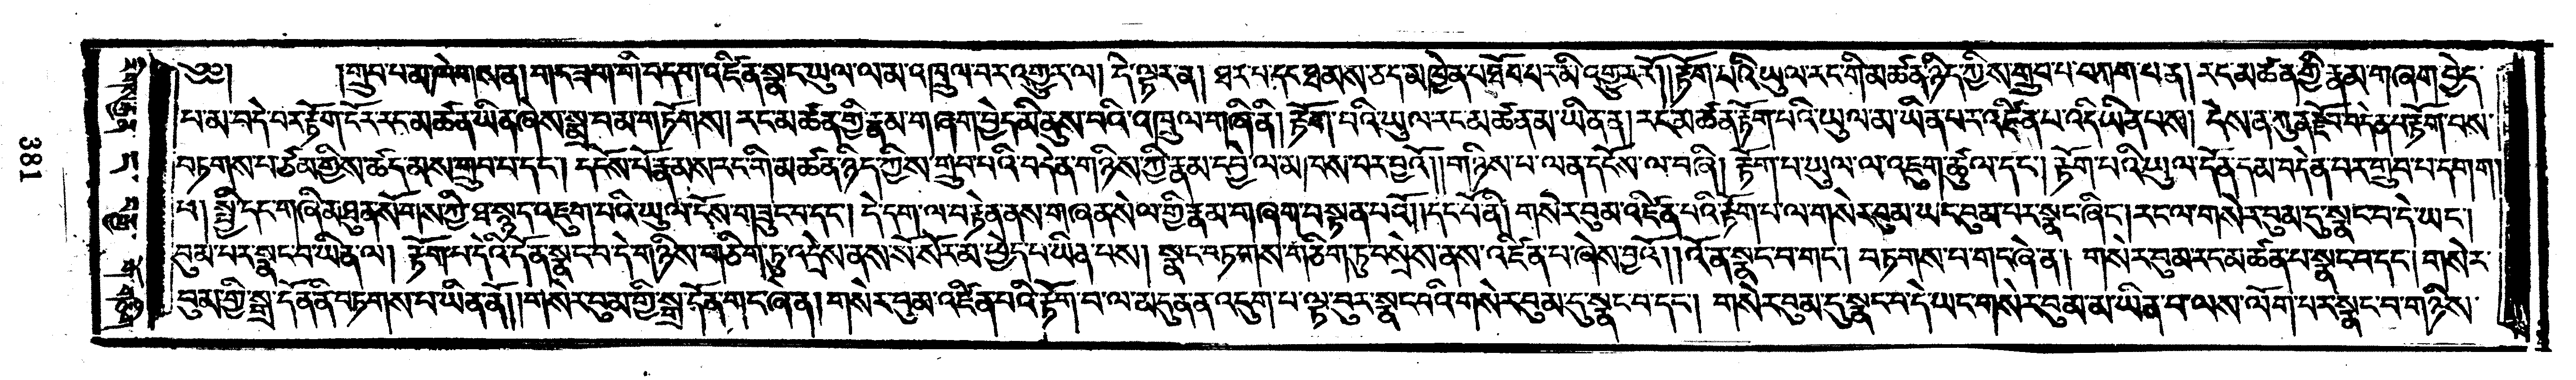༄༅། །གྲུབ་པ་མ་ཁེགས་ན། གང་ཟག་གི་བདག་འཛིན་སྣང་ཡུལ་ལ་མ་འཁྲུལ་བར་འགྱུར་ལ། དེ་ལྟར་ན། ཐར་པ་དང་ཐམས་ཅད་མཁྱེན་པ་ཐོབ་པར་མི་འགྱུར་རོ། །རྟོག་པའི་ཡུལ་རང་གི་མཚན་ཉིད་ཀྱིས་གྲུབ་པ་བཀག་པ་ན། རང་མཚན་གྱི་རྣམ་གཞག་བྱེད་
པ་མ་བདེ་བར་རྟོག་ངོར་རང་མཚན་ཡིན་ཞེས་སྨྲ་བ་མ་གཏོགས། རང་མཚན་གྱི་རྣམ་གཞག་བྱེད་མི་ནུས་པའི་འཁྲུལ་གཞི་ནི། རྟོག་པའི་ཡུལ་རང་མཚན་མ་ཡིན་ན། རང་མཚན་རྟོག་པའི་ཡུལ་མ་ཡིན་པར་འཛིན་པ་འདི་ཡིན་པས། དེས་ན་ཀུན་རྫོབ་བདེན་པ་རྟོག་པས་
བཏགས་པ་ཙམ་གྱིས་ཚད་མས་གྲུབ་པ་དང་། དངོས་པོ་རྣམས་རང་གི་མཚན་ཉིད་ཀྱིས་གྲུབ་པའི་བདེན་གཉིས་ཀྱི་རྣམ་དབྱེ་ལ་མཁས་པར་བྱའོ། །གཉིས་པ་ལན་དངོས་ལ་བཞི། རྟོག་པ་ཡུལ་ལ་འཇུག་ཚུལ་དང་། རྟོག་པའི་ཡུལ་དོན་དམ་བདེན་པར་གྲུབ་པ་དགག་
པ། སྤྱི་དང་གཞི་མཐུན་སོགས་ཀྱི་ཐ་སྙད་འཇུག་པའི་ཡུལ་ངོས་གཟུང་བ་དང་། དེ་དག་ལ་བརྟེན་ནས་གཞན་སེལ་གྱི་རྣམ་གཞག་བསྟན་པའོ། །དང་པོ་ནི། གསེར་བུམ་འཛིན་པའི་རྟོག་པ་ལ་གསེར་བུམ་ཡང་བུམ་པར་སྣང་ཞིང་། རང་ལ་གསེར་བུམ་དུ་སྣང་བ་དེ་ཡང་
བུམ་པར་སྣང་བ་ཡིན་ལ། རྟོག་པ་དེའི་དོན་སྣང་བ་དེ་གཉིས་གཅིག་ཏུ་འདྲེས་ནས་སོ་སོར་མ་ཕྱེད་པ་ཡིན་པས། སྣང་བཏགས་གཅིག་ཏུ་བསྲེས་ནས་འཛིན་པ་ཞེས་བྱའོ། །འོ་ན་སྣང་བ་གང་། བཏགས་པ་གང་ཞེ་ན། གསེར་བུམ་རང་མཚན་པ་སྣང་བ་དང་། གསེར་
བུམ་གྱི་སྒྲ་དོན་ནི་བཏགས་པ་ཡིན་ནོ། །གསེར་བུམ་གྱི་སྒྲ་དོན་གང་ཞེ་ན། གསེར་བུམ་འཛིན་པའི་རྟོག་པ་ལ་མདུན་ན་འདུག་པ་ལྟ་བུར་སྣང་བའི་གསེར་བུམ་དུ་སྣང་བ་དང་། གསེར་བུམ་དུ་སྣང་བ་དེ་ཡང་གསེར་བུམ་མ་ཡིན་པ་ལས་ལོག་པར་སྣང་བ་གཉིས་